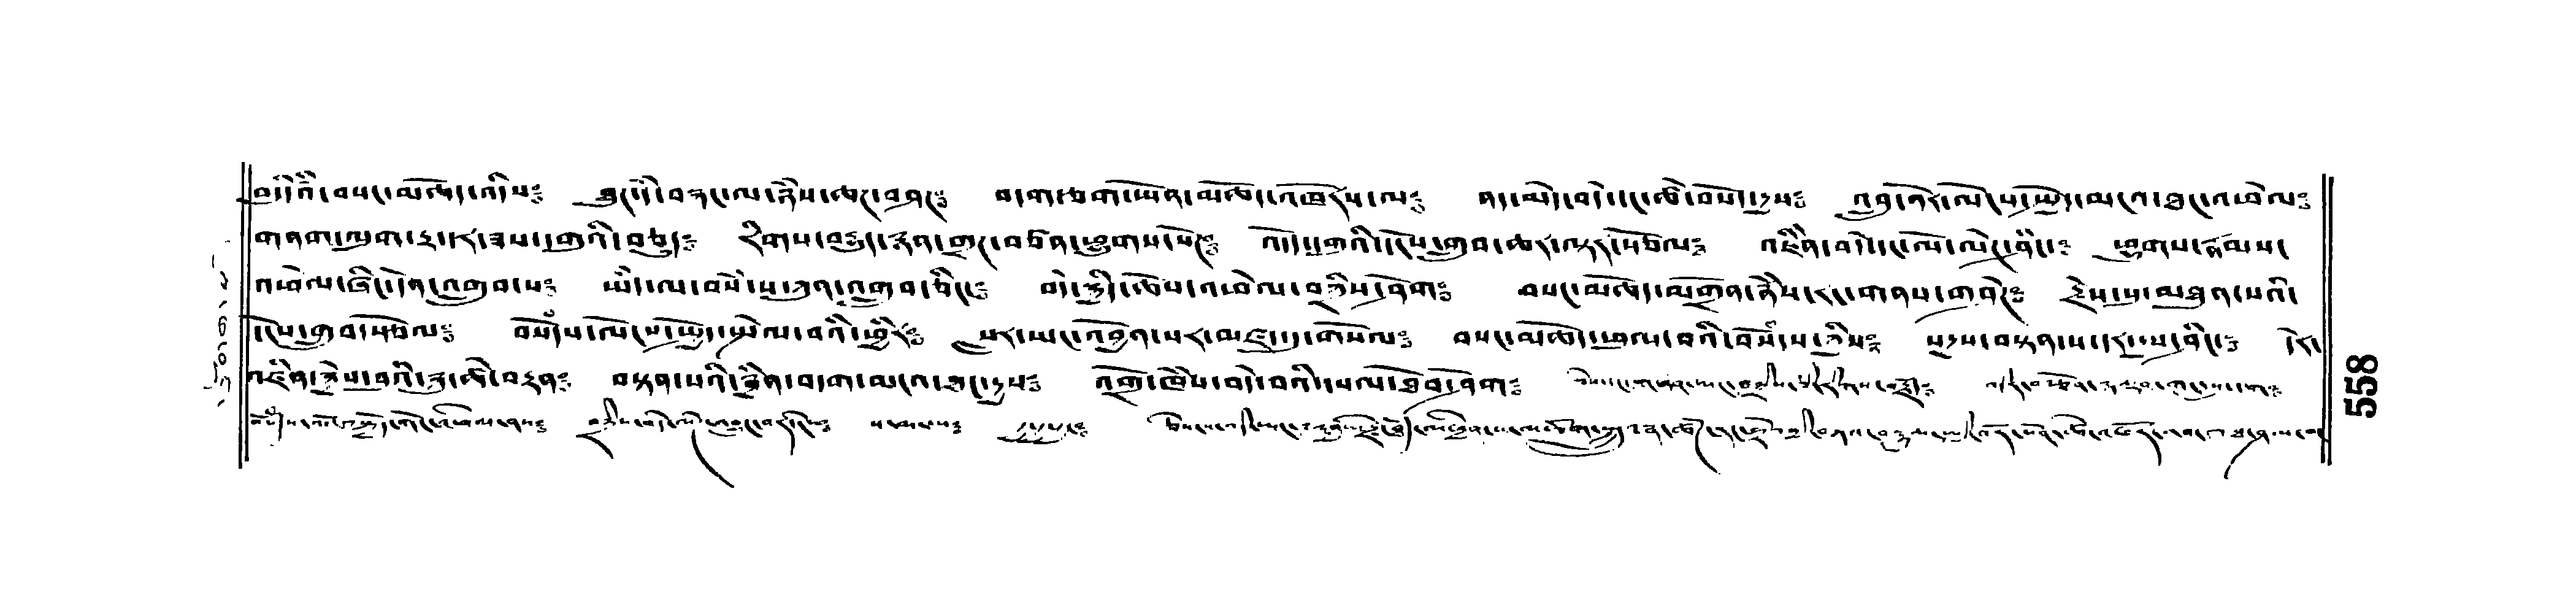བདུད་རྩིའི་བསང་མཆོད་འདིས༔ ཐུགས་དམ་བསྐང་ལ་ཉམས་ཆག་བཤགས༔ བདག་ཅག་ཡོན་མཆོད་འཁོར་འདས་ལ༔ ནད་མེད་བདེ་དང་ཚེ་བསོད་རྒྱས༔འབྲུ་ནོར་ལོངས་སྤྱོད་མངའ་ཐང་འཕེལ༔ 
གནག་ལུག་རྟ་དར་ཟས་དགུའི་བཅུད༔ རིགས་བརྒྱུད་སྙན་གྲགས་བཙན་ཕྱུག་སོགས༔ འདོད་དགུའི་དངོས་གྲུབ་ཆར་ལྟར་སྩོལ༔ འཇིག་རྟེན་བདེ་དང་ལོ་ལེགས་ཤིང༔ ཕྱུགས་རྣམས་
འཕེལ་ཞིང་དོན་འགྲུབ་པ༔ ཡིད་ལ་བསམ་པ་ཀུན་འགྲུབ་ཅིང༔ བདེ་སྐྱིད་ཆོས་འཕེལ་བཀྲ་ཤིས་ཤོག༔ བསང་མཆོད་མགྲོན་རྣམས་རང་གནས་གཤེགས༔ རྗེས་སུ་མཐུན་པའི་
དངོས་གྲུབ་སྩོལ༔ བསོད་ནམས་ལོངས་སྤྱོད་སྤེལ་བའི་ཕྱིར༔ སླར་ཡང་འབྱོན་པར་མཛད་དུ་གསོལ༔ བསང་མཆོད་ཕུལ་བའི་བསོད་ནམས་ཀྱིས༔ སངས་རྒྱས་བསྟན་པ་དར་རྒྱས་ཤིང༔ དེ་
འཛིན་སྐྱེས་བུའི་སྐུ་ཚེ་བརྟན༔ བསྟན་པའི་སྦྱིན་བདག་མངའ་ཐང་རྒྱས༔ འགྲོ་ཁམས་བདེ་བའི་དཔལ་ཐོབ་ཤོག༔ ཅེས་དང་གཞན་ཡང་བཀྲ་ཤིས་ཅི་རིགས་བརྗོད༔ འདིར་བརྩོན་སྐལ་ལྡན་གང་སུ་དག༔ 
བསོད་ནམས་ལོངས་སྤྱོད་གོང་འཕེལ་ནས༔ བཀྲ་ཤིས་བདེ་ལེགས་འབྱུང་བར་ངེས་༔ ས་མ་ཡ༔ རྒྱ་རྒྱ་རྒྱ༔ ཞེས་པ་འདི་ཡང་༧སྐྱབས་རྗེ་ཐམས་ཅད་མཁྱེན་པ་མཆོག་སྤྲུལ་སྣ་ཚོགས་རང་གྲོལ་གྱི་བཀའ་བསྐུལ་སྤྱི་བོར་སོན་ཚེ་འཁོར་འབངས་ཐ་ཤལ་བ་